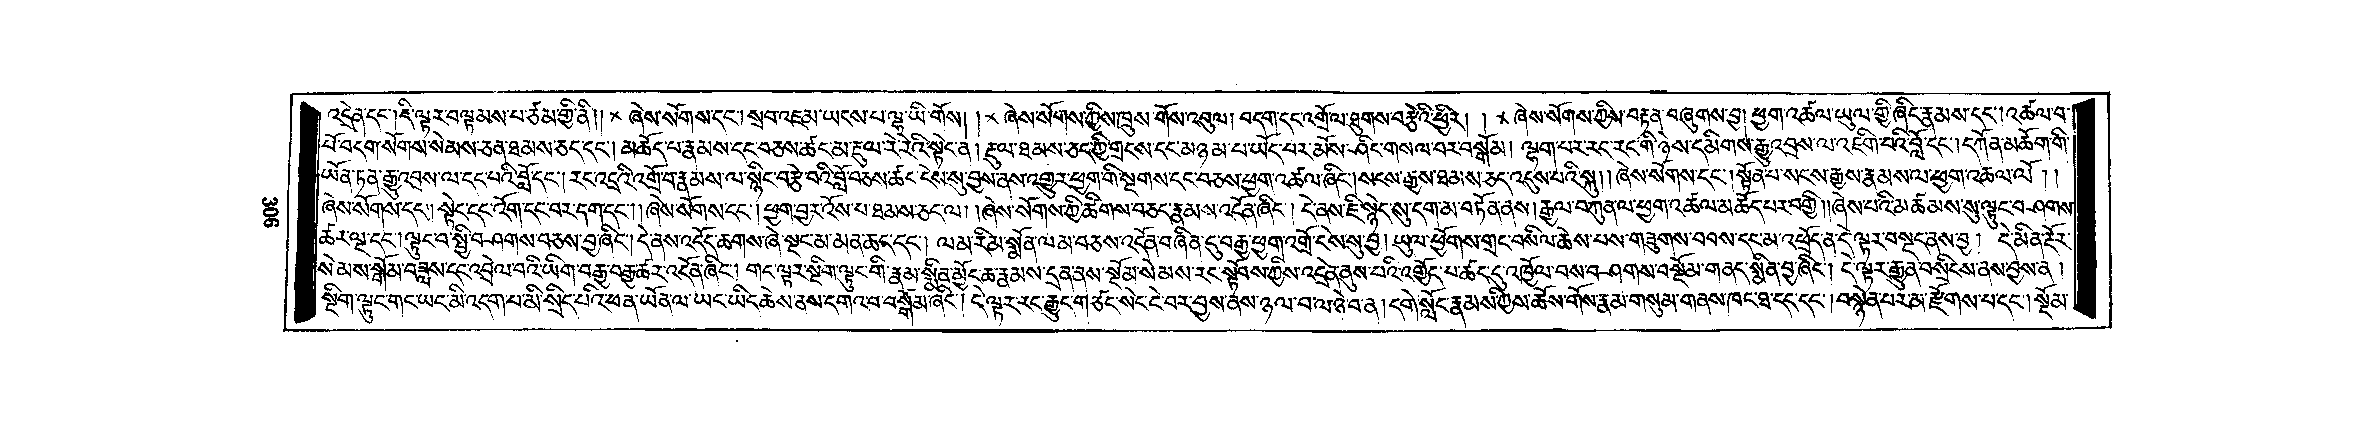འདྲེན་དང་། ཇི་ལྟར་བལྟམས་པ་ཙམ་གྱི་ནི། །ཞེས་སོགས་དང་། སྲབ་འཇམ་ཡངས་པ་ལྷ་ཡི་གོས། །ཞེས་སོགས་ཀྱིས་ཁྲུས་གོས་འབུལ། བདག་དང་འགྲོ་ལ་ཐུགས་བརྩེའི་ཕྱིར། །ཞེས་སོགས་ཀྱིས་བརྟན་བཞུགས་བྱ། ཕྱག་འཚལ་ཡུལ་གྱི་ཞིང་རྣམས་དང་། འཚལ་བ་
པོ་བདག་སོགས་སེམས་ཅན་ཐམས་ཅད་དང་། མཆོད་པ་རྣམས་དང་བཅས་ཚད་མ་རྡུལ་རེ་རེའི་སྟེང་ན། རྡུལ་ཐམས་ཅད་ཀྱི་གྲངས་དང་མཉམ་པ་ཡོད་པར་མོས་ཤིང་གསལ་བར་བསྒོམ། ལྷག་པར་རང་རང་གི་ཉེས་དམིགས་རྒྱུ་འབྲས་ལ་འཇིག་པའི་བློ་དང་། དཀོན་མཆོག་གི་
ཡོན་ཏན་རྒྱུ་འབྲས་ལ་དད་པའི་བློ་དང་། རང་འདྲའི་འགྲོ་བ་རྣམས་ལ་སྙིང་བརྩེ་བའི་བློ་བཅས་ཚང་ངེས་སུ་བྱས་ནས་འགྱུར་ཕྱག་གི་སྔགས་དང་བཅས་ཕྱག་འཚལ་ཞིང་། སངས་རྒྱས་ཐམས་ཅད་འདུས་པའི་སྐུ། །ཞེས་སོགས་དང་། སྟོན་པ་སངས་རྒྱས་རྣམས་ལ་ཕྱག་འཚལ་ལོ། །
ཞེས་སོགས་དང་། སྟེང་དང་འོག་དང་བར་དག་དང་། །ཞེས་སོགས་དང་། ཕྱག་བྱར་འོས་པ་ཐམས་ཅད་ལ། །ཞེས་སོགས་ཀྱི་ཚིགས་བཅད་རྣམས་འདོན་ཞིང་། དེ་ནས་ཇི་སྙེད་སུ་དག་མ་བཏོན་ནས། རྒྱལ་བ་ཀུན་ལ་ཕྱག་འཚལ་མཆོད་པར་བགྱི། །ཞེས་པའི་མཚམས་སུ་ལྟུང་བཤགས་
ཚར་ལྔ་དང་། ལྟུང་བ་སྤྱི་བཤགས་བཅས་བྱ་ཞིང་། དེ་ནས་འདོད་ཆགས་ཞེ་སྡང་མ་མན་ཆད་དང་། ལམ་རིམ་སྨོན་ལམ་བཅས་འདོན་བཞིན་དུ་བརྒྱ་ཕྱག་འགྲོ་ངེས་སུ་བྱ། ཡུལ་ཕྱོགས་གྲང་བསིལ་ཆེས་པས་གཟུགས་བབས་དང་མ་འཕྲོད་ན་དེ་ལྟར་བསྡད་ནས་བྱ། དེ་མིན་རྡོར་
སེམས་སྒོམ་བཟླས་དང་འབྲེལ་བའི་ཡིག་བརྒྱ་བརྒྱ་ཚར་འདོན་ཞིང་། གང་ལྟར་སྡིག་ལྟུང་གི་རྣམ་སྨིན་མྱོང་ཆ་རྣམས་དྲན་ནས་སྡོམ་སེམས་རང་སྟོབས་ཀྱིས་འདྲེན་ནུས་པའི་འགྱོད་པ་ཚད་དུ་འཁྱོལ་བས་བཤགས་བསྡོམ་གནད་སྨིན་བྱ་ཞིང་། དེ་ལྟར་རྒྱུན་བསྲིངས་ནས་བྱས་ན།
སྡིག་ལྟུང་གང་ཡང་མི་འདག་པ་མི་སྲིད་པའི་ཕན་ཡོན་ལ་ཡང་ཡིད་ཆེས་ནས་དགའ་བ་བསྒོམ་ཞིང་། དེ་ལྟར་རང་རྒྱུད་གཙང་སེང་ངེ་བར་བྱས་ནས་ཉལ་བ་ལ་ཉེ་བ་ན། དགེ་སློང་རྣམས་ཀྱིས་ཆོས་གོས་རྣམ་གསུམ་གནས་ཁང་ཐ་དད་དང་། བསྙེན་པར་མ་རྫོགས་པ་དང་། སྡོམ་